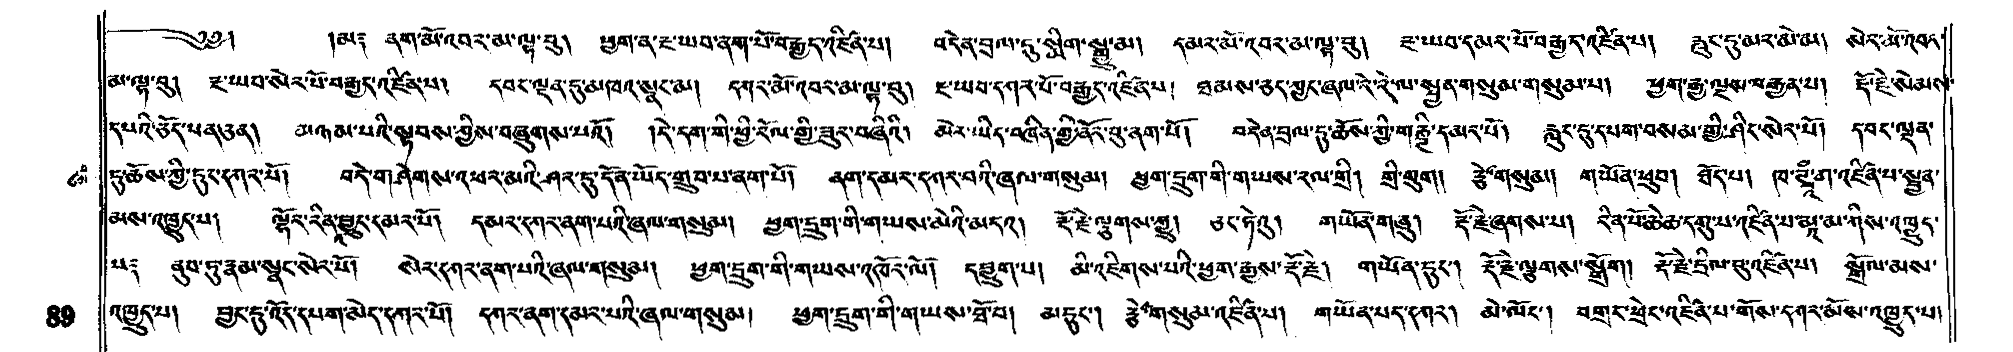༄༅། །མ༑ ནག་མོ་འབར་མ་ལྟ་བུ། ཕྱག་ན་རྔ་ཡབ་ནག་པོ་བརྒྱད་འཛིན་པ། བདེན་བྲལ་ཏུ་སྨིག་སྒྱུ་མ། དམར་མོ་འབར་མ་ལྟ་བུ། རྔ་ཡབ་དམར་པོ་བརྒྱད་འཛིན་པ། རླུང་ཏུ་མར་མེ་མ། སེར་མོ་འབར་
མ་ལྟ་བུ། རྔ་ཡབ་སེར་པོ་བརྒྱད་འཛིན་པ། དབང་ལྡན་དུ་མཁའ་སྣང་མ། དཀར་མོ་འབར་མ་ལྟ་བུ། རྔ་ཡབ་དཀར་པོ་བརྒྱད་འཛིན་པ། ཐམས་ཅད་ཀྱང་ཞལ་རེ་རེ་ལ་སྤྱན་གསུམ་གསུམ་པ། ཕྱག་རྒྱ་ལྔས་བརྒྱན་པ། རྡོ་རྗེ་སེམས་
དཔའི་ཅོད་པན་ཅན། མཉམ་པའི་སྟབས་ཀྱིས་བཞུགས་པའོ། །དེ་དག་གི་ཕྱི་རོལ་གྱི་ཟུར་བཞིའི། མེར་ཡིད་བཞིན་གྱི་ནོར་བུ་ནག་པོ། བདེན་བྲལ་དུ་ཆོས་ཀྱི་གཎྜི་དམར་པོ། རླུང་དུ་དཔག་བསམ་གྱི་ཤིང་སེར་པོ། དབང་ལྡན་
ཏུ་ཆོས་ཀྱི་དུང་དཀར་པོ། བདེ་གཤེགས་འཕར་མའི་ཤར་དུ་དོན་ཡོད་གྲུབ་པ་ནག་པོ། ནག་དམར་དཀར་བའི་ཞལ་གསུམ། ཕྱག་དྲུག་གི་གཡས་རལ་གྲི། གྲི་གུག། རྩེ་གསུམ། གཡོན་ཕུབ། ཐོད་པ། ཁ་ཊྭཱཾ་ག་འཛིན་པ་སྦྱན་
མས་འཁྱུད་པ། ལྷོར་རིན་འབྱུང་དམར་པོ། དམར་དཀར་ནག་པའི་ཞལ་གསུམ། ཕྱག་དྲུག་གི་གཡས་མེའི་མདའ། རྡོ་རྗེ་ལྕགས་ཀྱུ། ཅང་ཏེའུ། གཡོན་གཞུ། རྡོ་རྗེ་ཞགས་པ། རིན་པོ་ཆེ་ཆ་དགུ་པ་འཛིན་པ་མཱ་མ་ཀིས་འཁྱུད་
པ༑ ནུབ་ཏུ་རྣམ་སྣང་སེར་པོ། སེར་དཀར་ནག་པའི་ཞལ་གསུམ། ཕྱག་དྲུག་གི་གཡས་འཁོར་ལོ། དབྱུག་པ། མི་འཇིགས་པའི་ཕྱག་རྒྱས་རྡོ་རྗེ། གཡོན་དུང་། རྡོ་རྗེ་ལྕགས་སྒྲོག། རྡོ་རྗེ་དྲིལ་བུ་འཛིན་པ། སྒྲོལ་མས་
འཁྱུད་པ། བྱང་དུ་འོད་དཔག་མེད་དཀར་པོ། དཀར་ནག་དམར་པའི་ཞལ་གསུམ། ཕྱག་དྲུག་གི་གཡས་ཐོ་བ། མདུང་། རྩེ་གསུམ་འཛིན་པ། གཡོན་པད་དཀར། མེ་ལོང་། བགྲང་ཕྲེང་འཛིན་པ་གོས་དཀར་མོས་འཁྱུད་པ།